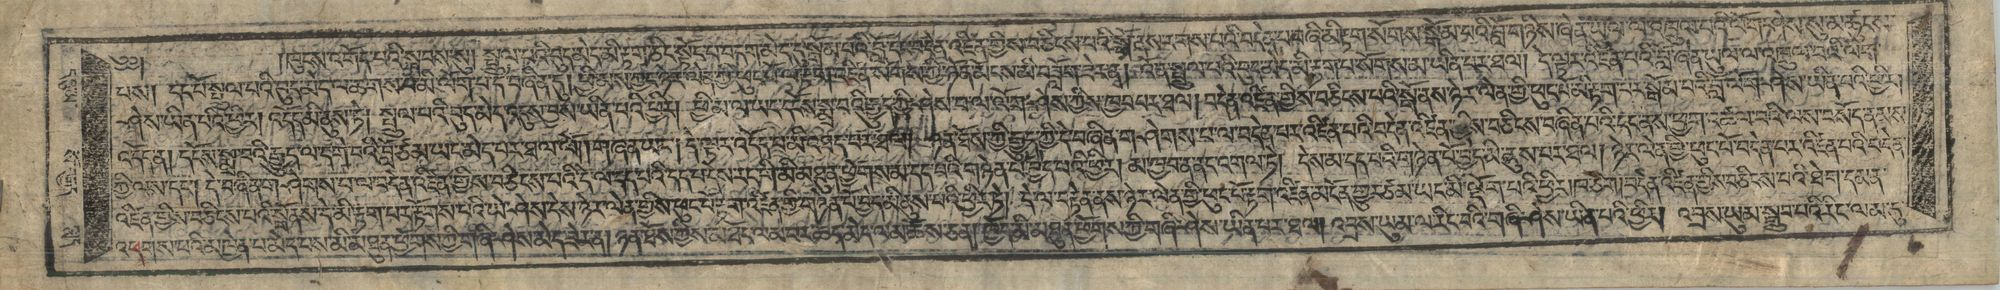༄༅། །ཁུངས་འགོད་པའི་སྐབས་སུ། སྤྲུལ་པའི་བུད་མེད་མི་རྟག་ཅིང་སྟོང་པ་བདག་མེད་དུ་སྒོམ་པའི་བློ་དང་བདེན་འཛིན་གྱིས་བཅིངས་པའི་སྒོ་ནས་རགས་པའི་བདེན་པ་བཞི་མི་རྟག་སོགས་སྒོམ་པའི་བློ་གཉིས་ཞེན་ཡུལ་ལ་འཁྲུལ་པའི་ལོག་ཤེས་སུ་མཚུངས་
པས། དང་པོ་སྤྲུལ་པའི་བུད་མེད་ལ་ཆགས་པ་མི་ལོག་པ་དེ་བཞིན་དུ། ཕྱི་མས་ཀྱང་ཉེར་ལེན་གྱི་ཕུང་པོ་ལ་རྟག་འཛིན་སོགས་ཀྱི་ཉོན་མོངས་མི་བཟློག་ཟེར་ན། འོ་ན་སྤྲུལ་པའི་བུད་མེད་མི་རྟག་པ་སོགས་མ་ཡིན་པར་ཐལ། དེ་ལྟར་འཛིན་པའི་བློ་ཞེན་ཡུལ་ལ་འཁྲུལ་བའི་ལོག་
ཤེས་ཡིན་པའི་ཕྱིར། འདོད་མི་ནུས་ཏེ། སྤྲུལ་པའི་བུད་མེད་འདུས་བྱས་ཡིན་པའི་ཕྱིར། ཕྱི་མ་ལ་ཡང་དངོས་སྨྲ་བའི་རྒྱུད་ཀྱི་ཤེས་པ་ལ་ལོག་ཤེས་ཀྱིས་ཁྱབ་པར་ཐལ། བདེན་འཛིན་གྱིས་བཅིངས་པའི་སྒོ་ནས་ཉེར་ལེན་གྱི་ཕུང་པོ་མི་རྟག་པར་སྒོམ་པའི་བློ་ལོག་ཤེས་ཡིན་པའི་ཕྱིར།
འདོད་ན། དངོས་སྨྲ་བའི་རྒྱུད་ལ་དགེ་བའི་བློ་ཙམ་ཡང་མེད་པར་ཐལ་ལོ། །གཞན་ཡང་། དེ་ལྟར་འདོད་པ་མི་འཐད་པར་ཐལ། ཉན་ཐོས་ཀྱི་རྒྱུད་ཀྱི་དེ་བཞིན་གཤེགས་པ་ལ་བདེན་པར་འཛིན་པའི་བདེན་འཛིན་གྱིས་བཅིངས་བཞིན་པའི་དང་ནས་ཕྱག་འཚལ་བའི་ལས་བསོད་ནམས་
ཀྱི་ལས་དང་། དེ་བཞིན་གཤེགས་པ་ལ་བདེན་འཛིན་གྱིས་བཅིངས་པའི་དེ་ལ་དད་པའི་དད་པ་དེས་རང་གི་མི་མཐུན་ཕྱོགས་མ་དད་པའི་གཉེན་པོ་བྱེད་པའི་ཕྱིར། མ་ཁྱབ་ན་ནང་འགལ་ཏེ། དེས་མ་དད་པའི་གཉེན་པོ་བྱེད་མི་ནུས་པར་ཐལ། ཉེར་ལེན་གྱི་ཕུང་པོ་བདེན་པར་འཛིན་པའི་བདེན་
འཛིན་གྱིས་བཅིངས་པའི་སྒོ་ནས་དེ་མི་རྟག་པར་རྟོགས་པའི་ཡེ་ཤེས་དེས་ཉེར་ལེན་གྱི་ཕུང་པོ་རྟག་འཛིན་གྱི་གཉེན་པོ་བྱེད་མི་ནུས་པའི་ཕྱིར་ཏེ། དེ་ལ་བརྟེན་ནས་ཉེར་ལེན་གྱི་ཕུང་པོ་རྟག་འཛིན་མངོན་གྱུར་ཙམ་ཡང་མི་ལྡོག་པའི་ཕྱིར། ཁ་ཅིག །བདེན་འཛིན་གྱིས་བཅིངས་པའི་ཐེག་དམན་
འཕགས་པའི་མཁྱེན་པ་མེད་པས་མི་མཐུན་ཕྱོགས་ཀྱི་གཞི་ཤེས་མེད་ཟེར་ན། ཉན་ཐོས་ཀྱིས་མཐོང་ལམ་བར་ཆད་མེད་ལམ་ཆོས་ཅན། ཁྱོད་མི་མཐུན་ཕྱོགས་ཀྱི་གཞི་ཤེས་ཡིན་པར་ཐལ། འབྲས་ཡུམ་ལ་རིང་བའི་གཞི་ཤེས་ཡིན་པའི་ཕྱིར། འབྲས་ཡུམ་སྒྲུབ་པའི་རིང་ལམ་དུ་